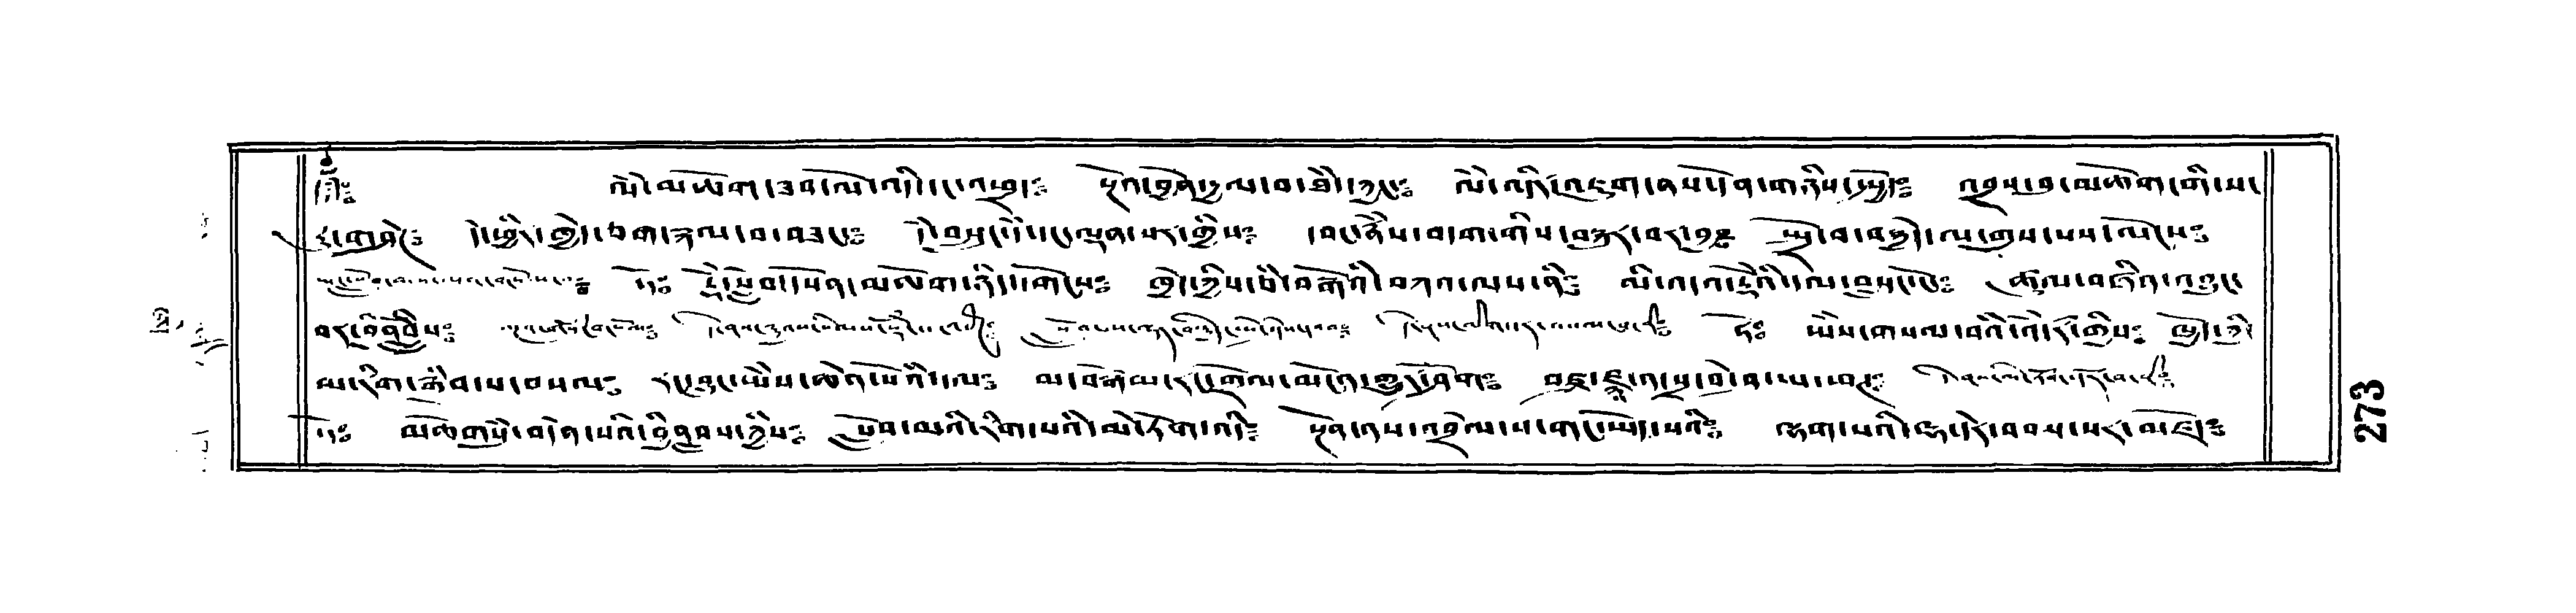ལམ་མཆོག་ཟབ་མོ་འདི་དང་ཕྲད༔ སྔོན་བྱོན་རྒྱལ་བ་ཐམས་ཅད་ཀྱང༔ ལམ་འདིར་འཇུག་ནས་དོན་གཉིས་སྤྱོད༔ འབྲས་བུ་མཆོག་གི་ས་
རུ་གཤེགས༔ དེ་ཕྱིར་ཁྱེད་ཅག་སྐལ་བ་བཟང༔ དམ་བསྲུང་དམ་དང་ལྡན་པར་གྱིས༔ དབང་རྣམས་བདག་གིས་བསྐུར་བར་བྱ༔ སྤྲོ་བ་བསྐྱེད་ལ་གུས་པས་ལོངས༔ 
ཡང་སློབ་མས་ལན་གསོལ་བ༔ ཧོཿ རྡོ་རྗེ་སློབ་དཔོན་མཆོག་ཉིད་དགོངས༔ ཁྱེད་ཀྱིས་ཅི་བསྒོའི་བཀའ་ལས་ནི༔ མི་འདའ་རྡོ་རྗེའི་དམ་བསྲུང་ངོ་ཿ ཚུལ་བཞིན་འབྱུང་
བར་བྱིན་གྱིས་རློབས༔ ལན་གསུམ་གསོལ༔ དེ་ནས་སྐྱབས་སེམས་སྡོམ་པ་འབོགས༔ སློབ་མ་ལྷར་བསྐྱེད་ཡེ་ཤེས་དབབ༔ དེ་ནས་མིག་དར་བསལ་བ་ནི༔ ཧོཿ ཡེ་ཤེས་གསལ་བའི་འོད་ཟེར་གྱིས༔ ཁྱོད་ཀྱི་
མ་རིག་སྒྲིབ་པ་བསལ༔ རང་བྱུང་ཡེ་ཤེས་ཆེན་པོའི་དལ༔ མ་བསྒོམ་རང་གྲོལ་མངོན་གྱུར་ཤོག༔ བཛྲ་ཛྙཱ་ན་པྲ་བེ་ཤ་ཡ་ཕཊ༔ དེ་ནས་མེ་ཏོག་དོར་བ་ནི༔
ཧོཿ མཆོག་གསུམ་བདེན་པའི་བྱིན་རླབས་ཀྱིས༔ སློབ་མའི་རིག་པའི་མེ་ཏོག་འདི༔ སྔོན་ནས་འབྲེལ་པ་གང་ཡོད་པའི༔ ལྷག་པའི་ལྷ་དེར་བབ་པར་མཛོད༔